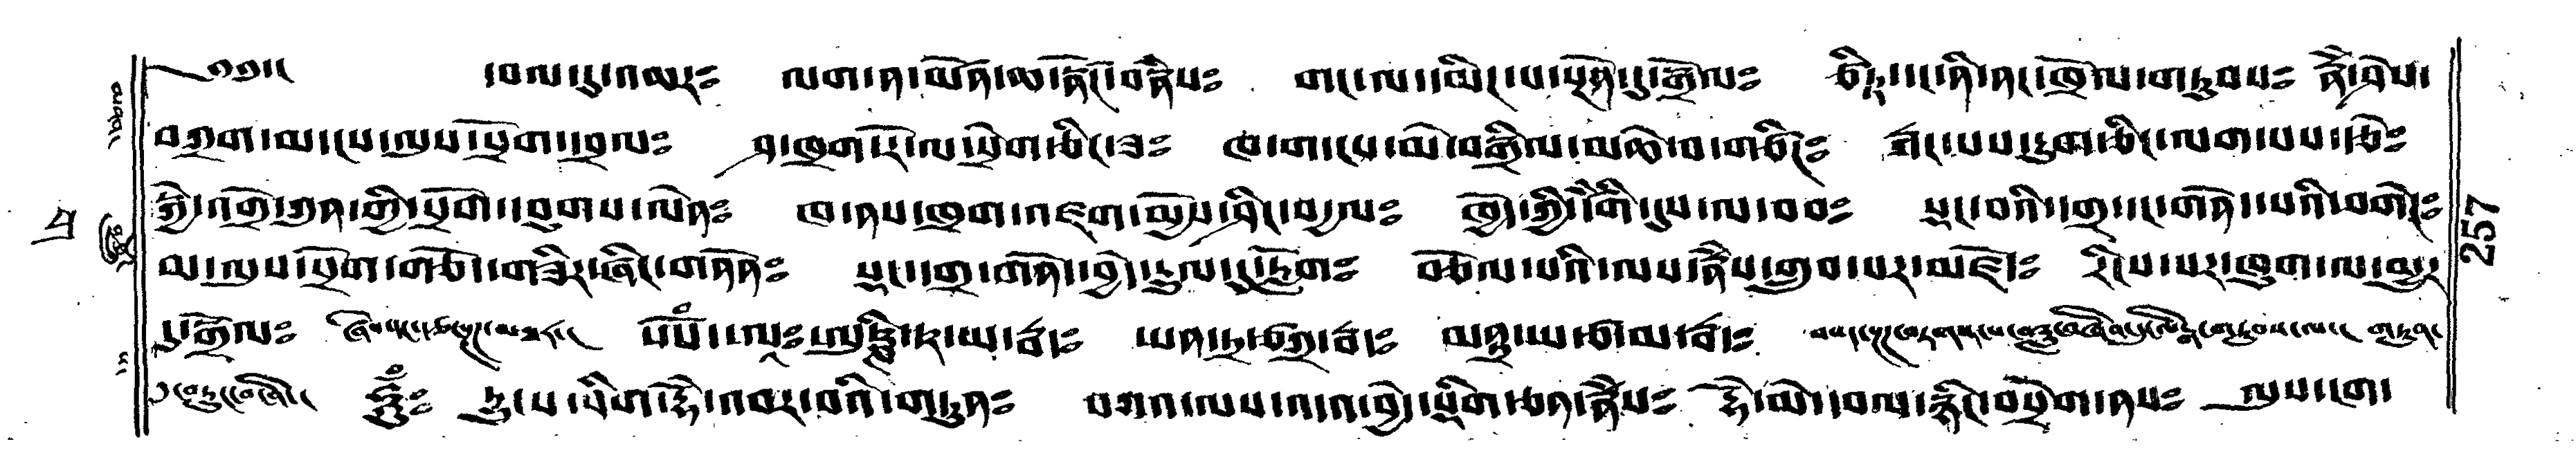དབལ་དུ་འཆརཿ ལག་ན་མཚོན་ཆ་སྣ་ཚོགས་བརྣམསཿ གང་ལ་དམིགས་པ་སྔོན་དུ་སྒྲོལཿ ཙིཏྟ་དང་ནི་ནང་ཁྲོལ་གཏུབསཿ རྣམ་ཤེས་
བཀྲག་མདངས་ལུས་སྲོག་དབྲོལཿ ཤ་ཁྲག་རོ་ལ་སྲེག་ཅིང་ཟཿ ཁ་གདངས་ལྗགས་བསྒྲིལ་མཆེ་བ་གཙིགསཿ རྐང་པས་རྒྱུག་ཅིང་ལག་པས་རྩེཿ 
སྐྱེ་འགྲོ་ཀུན་གྱི་སྲོག་དབུགས་ལེནཿ ཁ་ནས་ཁྲག་འཛག་མྱོས་ཤིང་བརྒྱལཿ ཁྱོད་ཀྱི་དམ་ཚིག་དུས་ལ་བབཿ སྡང་བའི་དགྲ་དང་གནོད་པའི་བགེགསཿ 
མ་ལུས་སྲོག་གཅོད་གཟིར་ཞིང་གནོནཿསྡང་དགྲ་གནོད་བྱེད་རྡུལ་དུ་རློགསཿ བཅོལ་བའི་ལས་རྣམས་གྲུབ་པར་མཛོདཿ རིངས་པར་ཁུག་ལ་མྱུར་
དུ་སྒྲོལཿ ཞེས་དང་རྩ་སྔགས་མཐར ། ཨོཾ་ཨཱཿཨུཥྞི་ར་ཡ་རྦདཿ ཡན་ཏྲ་ཙཀྲ་རྦདཿ མནྟྲ་ཡ་ཙ་མ་རྦདཿ བསད་སྔགས་བཏགས་པ་ཟློ་བཞིན་དུ་ལིངྒ་གཏུབས་ལ། གཏུན་
དུ་རྡུང་བ་ནི། ཧཱུྃཿ རྡུངས་ཤིག་རྡོ་རྗེ་འབར་བའི་གཏུནཿ བཀའ་ལས་འདའ་བྱེད་སྡིག་ཅན་རྣམསཿ རྡོ་རྗེ་མེ་དབལ་སྙིང་བསྲེགས་ནསཿ ལུས་ངག་